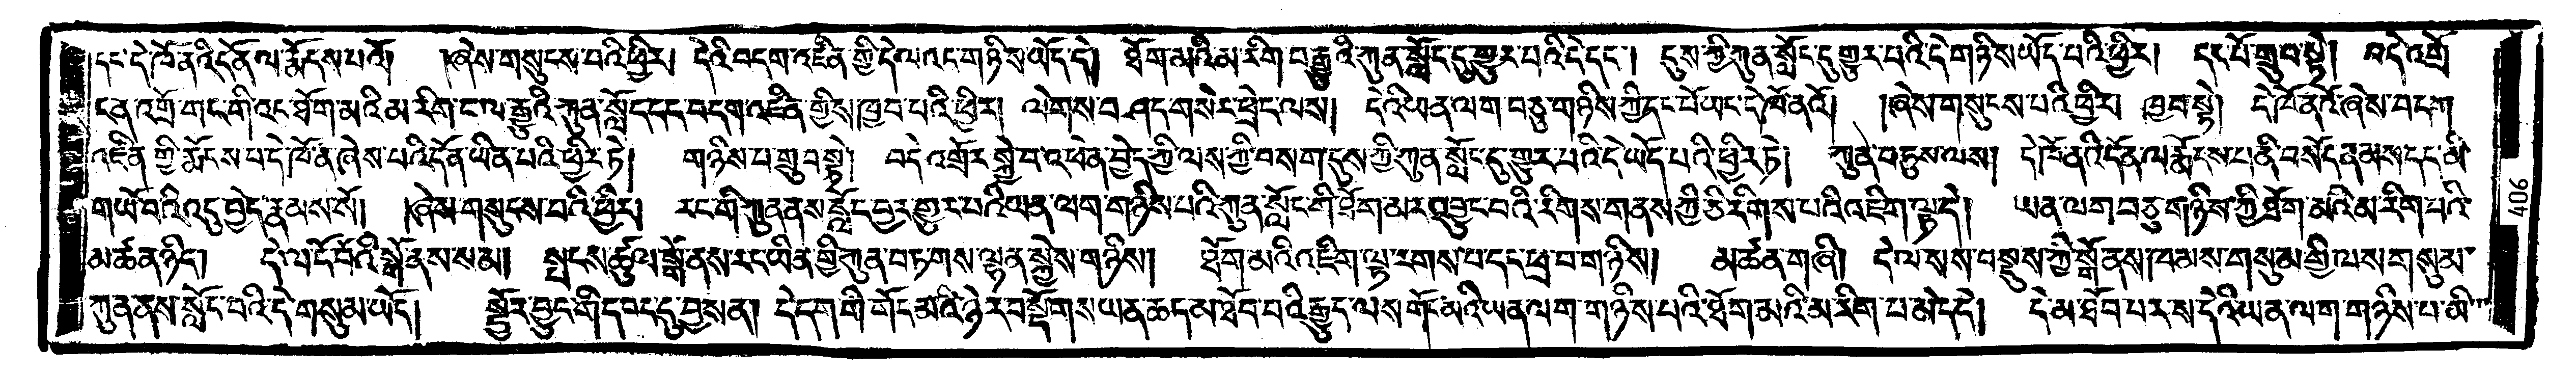དང་དེ་ཁོ་ནའི་དོན་ལ་རྨོངས་པའོ། །ཞེས་གསུངས་པའི་ཕྱིར། དེའི་བདག་འཛིན་གྱི་དེ་ལའང་གཉིས་ཡོད་དེ། ཐོག་མའི་མ་རིག་པ་རྒྱུའི་ཀུན་སློང་དུ་གྱུར་པའི་དེ་དང་། དུས་ཀྱི་ཀུན་སློང་དུ་གྱུར་པའི་དེ་གཉིས་ཡོད་པའི་ཕྱིར། དང་པོ་གྲུབ་སྟེ། བདེ་འགྲོ་
ངན་འགྲོ་གང་གིའང་ཐོག་མའི་མ་རིག་པ་ལ་རྒྱུའི་ཀུན་སློང་དང་བདག་འཛིན་གྱིས་ཁྱབ་པའི་ཕྱིར། ལེགས་བཤད་གསེར་ཕྲེང་ལས། དེའི་ཡན་ལག་བཅུ་གཉིས་ཀྱི་དང་པོ་ཡང་དེ་ཁོ་ནའོ། །ཞེས་གསུངས་པའི་ཕྱིར། ཁྱབ་སྟེ། དེ་ཁོ་ནའོ་ཞེས་བདག་
འཛིན་གྱི་རྨོངས་པ་དེ་ཁོ་ན་ཞེས་པའི་དོན་ཡིན་པའི་ཕྱིར་ཏེ། གཉིས་པ་གྲུབ་སྟེ། བདེ་འགྲོར་སྐྱེ་བ་འཕེན་བྱེད་ཀྱི་ལས་ཀྱི་བསག་དུས་ཀྱི་ཀུན་སློང་དུ་གྱུར་པའི་དེ་ཡོད་པའི་ཕྱིར་ཏེ། ཀུན་བཏུས་ལས། དེ་ཁོ་ནའི་དོན་ལ་རྨོངས་པ་ནི་བསོད་ནམས་དང་མི་
གཡོ་བའི་འདུ་བྱེད་རྣམས་སོ། །ཞེས་གསུངས་པའི་ཕྱིར། རང་གི་ཀུན་ནས་སློང་བྱར་གྱུར་པའི་ཡན་ལག་གཉིས་པའི་ཀུན་སློང་གི་ཐོག་མར་འབྱུང་བའི་རིགས་གནས་ཀྱི་ཅི་རིགས་པའི་འཇིག་ལྟ་དེ། ཡན་ལག་བཅུ་གཉིས་ཀྱི་ཐོག་མའི་མ་རིག་པའི་
མཚན་ཉིད། དེ་ལ་ངོ་བོའི་སྒོ་ནས་སམ། སྤངས་ཚུལ་སྒོ་ནས་རང་ཡིན་གྱི་ཀུན་བཏགས་ལྷན་སྐྱེས་གཉིས། ཐོག་མའི་འཇིག་ལྟ་རགས་པ་དང་ཕྲ་བ་གཉིས། མཚན་གཞི། དེ་ལ་སས་བསྡུས་ཀྱི་སྒོ་ནས་ཁམས་གསུམ་གྱི་ལས་གསུམ་
ཀུན་ནས་སློང་བའི་དེ་གསུམ་ཡོད། སྦྱོར་བྱུང་གི་དབང་དུ་བྱས་ན། དེ་དག་གི་གོང་མའི་ཉེར་བསྡོགས་ཡན་ཆད་མ་ཐོབ་པའི་རྒྱུད་ལས་གོང་མའི་ཡན་ལག་གཉིས་པའི་ཐོག་མའི་མ་རིག་པ་མེད་དེ། དེ་མ་ཐོབ་པར་ས་དེའི་ཡན་ལག་གཉིས་པ་མི་